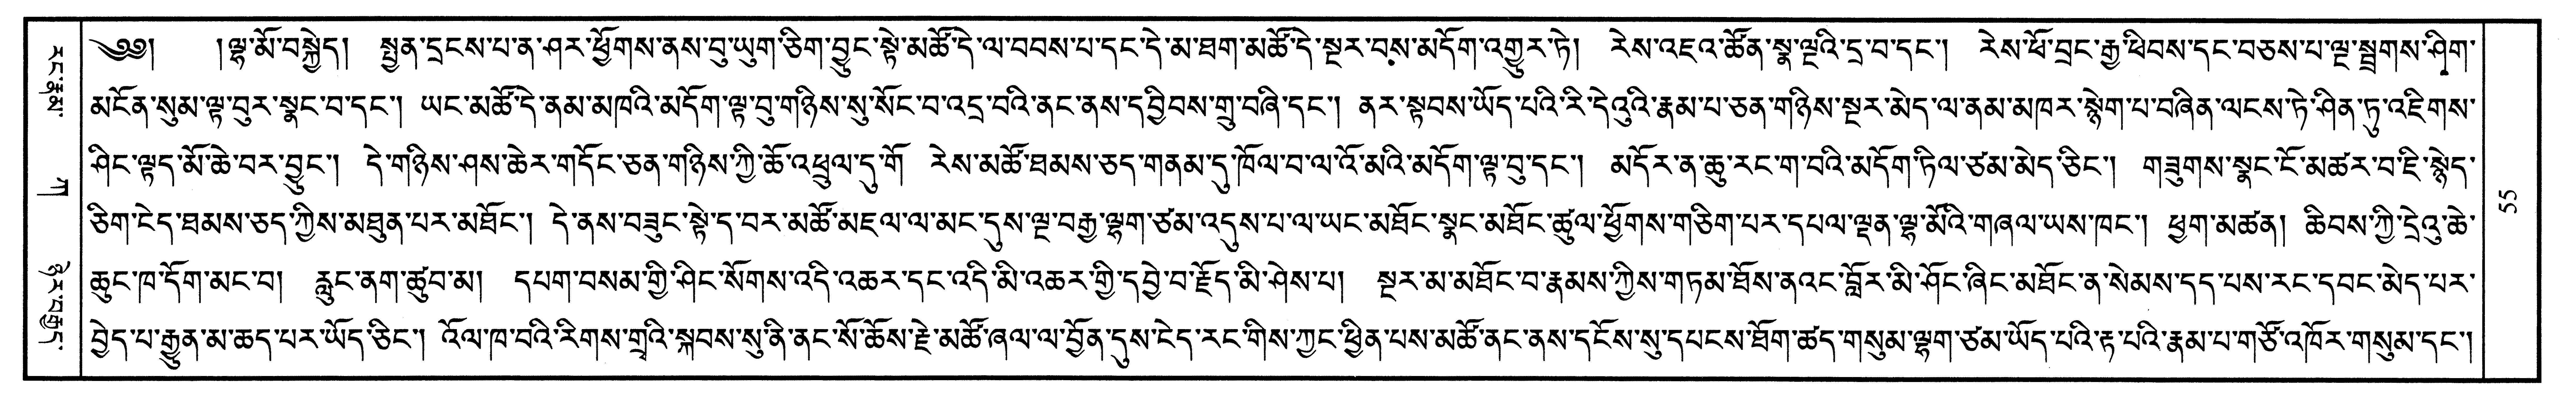༄༅། །ལྷ་མོ་བསྐྱེད། སྤྱན་དྲངས་པ་ན་ཤར་ཕྱོགས་ནས་བུ་ཡུག་ཅིག་བྱུང་སྟེ་མཚོ་དེ་ལ་བབས་པ་དང་དེ་མ་ཐག་མཚོ་དེ་སྔར་བས་མདོག་འགྱུར་ཏེ། རེས་འཇའ་ཚོན་སྣ་ལྔའི་དྲ་བ་དང་། རེས་ཕོ་བྲང་རྒྱ་ཕིབས་དང་བཅས་པ་ལྔ་སྦྲགས་ཤིག་
མངོན་སུམ་ལྟ་བུར་སྣང་བ་དང་། ཡང་མཚོ་དེ་ནམ་མཁའི་མདོག་ལྟ་བུ་གཉིས་སུ་སོང་བ་འདྲ་བའི་ནང་ནས་དབྱིབས་གྲུ་བཞི་དང་། ནར་སྟབས་ཡོད་པའི་རི་དེའུའི་རྣམ་པ་ཅན་གཉིས་སྔར་མེད་ལ་ནམ་མཁར་སྙེག་པ་བཞིན་ལངས་ཏེ་ཤིན་ཏུ་འཇིགས་
ཤིང་ལྟད་མོ་ཆེ་བར་བྱུང་། དེ་གཉིས་ཤས་ཆེར་གདོང་ཅན་གཉིས་ཀྱི་ཆོ་འཕྲུལ་དུ་གོ་རེས་མཚོ་ཐབས་ཅན་གནམ་དུ་ཁོལ་བ་ལ་འོ་མའི་མདོག་ལྟ་བུ་དང་། མདོར་ན་ཆུ་རང་ག་བའི་མདོག་ཏིལ་ཙམ་མེད་ཅིང་། གཟུགས་སྣང་ངོ་མཚར་བ་ཇི་སྙེད་
ཅིག་ངེད་ཐམས་ཅད་ཀྱིས་མཐུན་པར་མཐོང་། དེ་ནས་བཟུང་སྟེ་ད་བར་མཚོ་མཇལ་ལ་མང་དུས་ལྔ་བརྒྱ་ལྷག་ཙམ་འདུས་པ་ལ་ཡང་མཐོང་སྣང་མཐོང་ཚུལ་ཕྱོགས་གཅིག་པར་དཔལ་ལྡན་ལྷ་མོའི་གཞལ་ཡས་ཁང་། ཕྱག་མཚན། ཆིབས་ཀྱི་དྲེའུ་ཆེ་
ཆུང་ཁ་དོག་མང་བ། རླུང་ནག་ཚུབ་མ། དཔག་བསམ་གྱི་ཤིང་སོགས་འདི་འཆར་དང་འདི་མི་འཆར་གྱི་དབྱེ་བ་རྗོད་མི་ཤེས་པ། སྔར་མ་མཐོང་བ་རྣམས་ཀྱིས་གཏམ་ཐོས་ནའང་བློར་མི་ཤོང་ཞིང་མཐོང་ན་སེམས་དད་པས་རང་དབང་མེད་པར་
བྱེད་པ་རྒྱུན་མ་ཆད་པར་ཡོད་ཅིང་། འོལ་ཁ་བའི་རིགས་གྲྭའི་སྐབས་སུ་ནི་ནང་སོ་ཆོས་རྗེ་མཚོ་ཞལ་ལ་བྱོན་དུས་ངེད་རང་གིས་ཀྱང་ཕྱིན་པས་མཚོ་ནང་ནས་དངོས་སུ་དཔངས་ཐོག་ཚད་གསུམ་ལྷག་ཙམ་ཡོད་པའི་རྟ་པའི་རྣམ་པ་གཙོ་འཁོར་གསུམ་དང་།